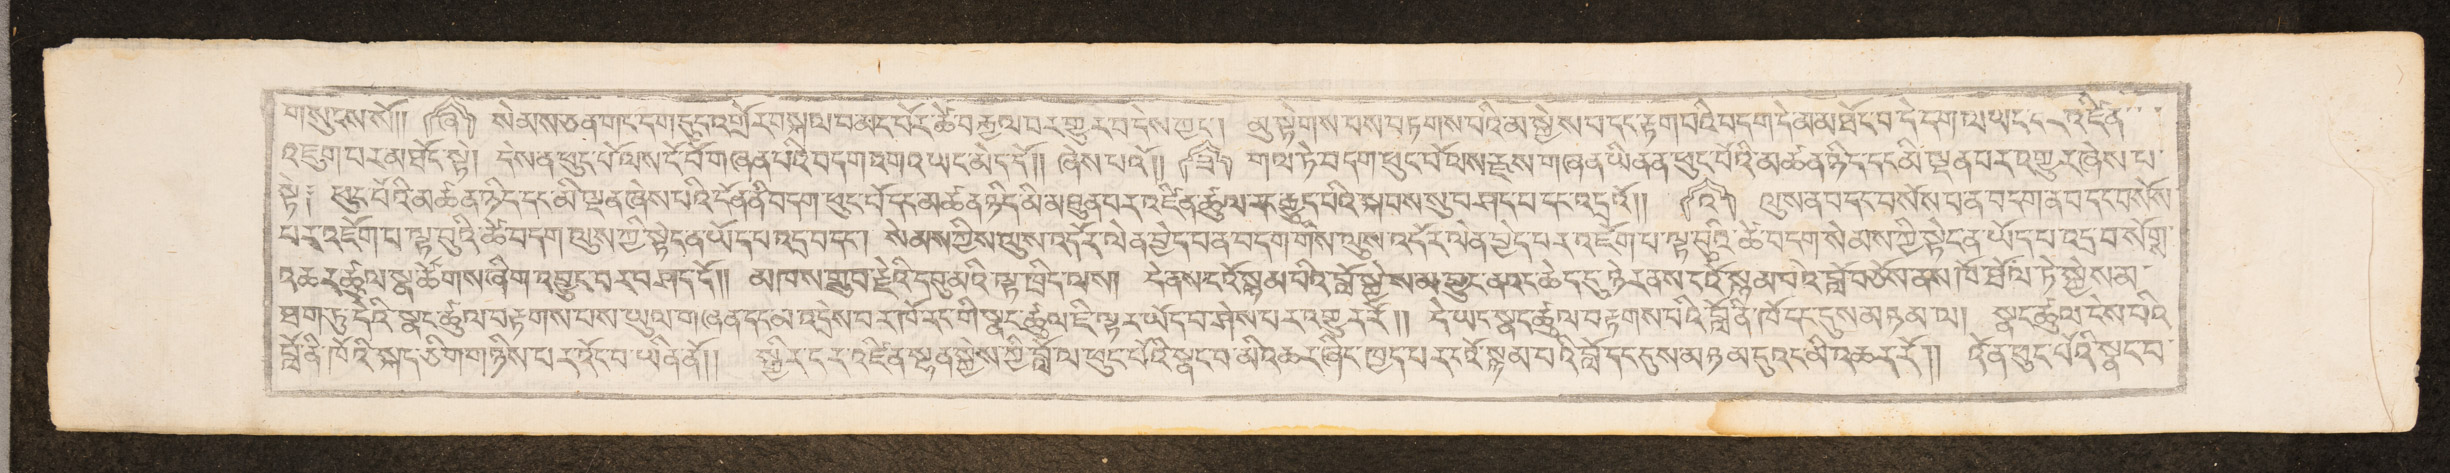གསུངས་སོ།། ༼༽ཞ༼༽ སེམས་ཅན་གང་དག་དུད་འགྲོར་བསྐལ་བ་མང་པོར་ཚེ་བརྐྱལ་བར་གྱུར་བ་དེས་ཀྱང་། མུ་སྟེགས་པས་བཏགས་པའི་མ་སྐྱེས་པ་དང་རྟག་པའི་བདག་དེ་མ་མཐོང་བ་དེ་དག་ལ་ཡང་ངར་འཛིན་
འཇུག་པར་མཐོང་སྟེ། དེས་ན་ཕུང་པོ་ལས་ངོ་བོ་གཞན་པའི་བདག་འགའ་ཡང་མེད་དོ།། ཞེས་པའོ།། ༼༽ཟ༼༽ གལ་ཏེ་བདག་ཕུང་པོ་ལས་རྫས་གཞན་ཡིན་ན་ཕུང་པོའི་མཚན་ཉིད་དང་མི་ལྡན་པར་འགྱུར་ཞེས་པ་
སྟེ༑ ཕུང་པོའི་མཚན་ཉིད་དང་མི་ལྡན་ཞེས་པའི་དོན་ནི་བདག་ཕུང་པོ་དང་མཚན་ཉིད་མི་མཐུན་པར་འཛིན་ཚུལ་རང་རྒྱུད་པའི་སྐབས་སུ་བཤད་པ་དང་འདྲའོ།། ༼༽འ༼༽ ལུས་ན་བ་དང་བསོས་པ་ན་བདག་ན་བ་དང་བསོས་
པར་འཇོག་པ་ལྟ་བུའི་ཚེ་བདག་ལུས་ཀྱི་སྟེང་ན་ཡོད་པ་འདྲ་བ་དང་། སེམས་ཀྱིས་ལུས་འདོར་ལེན་བྱེད་པ་ན་བདག་གིས་ལུས་མདོར་ལེན་བྱེད་པར་འཇོག་པ་ལྟ་བུའི་ཚེ་བདག་སེམས་ཀྱི་སྟེང་ན་ཡོད་པ་འདྲ་བ་སོགས་
འཆར་ཚུལ་སྣ་ཚོགས་ཞིག་འབྱུང་བར་བཤད་དོ།། མཁས་གྲུབ་རྗེའི་དབུ་མའི་ལྟ་ཁྲིད་ལས། དེ་ནས་ངའོ་སྙམ་པའི་བློ་སྐྱེས་མ་བྱུང་ནའང་ཆེད་དུ་ཉེར་ནས་ངའོ་སྙམ་པའི་བློ་བཅོས་ནས་ཁོ་ཐོལ་ཏེ་སྐྱེས་མ་
ཐག་ཏུ་དེའི་སྣང་ཚུལ་བརྟགས་པས་ཡུལ་གཞན་དང་མ་འདྲེས་པར་ཁོ་རང་གི་སྣང་ཚུལ་ཇི་ལྟར་ཡོད་པ་ཤེས་པར་འགྱུར་རོ།། དེ་ཡང་སྣང་ཚུལ་བརྟགས་པའི་བློ་ནི་ཁོ་དང་དུས་མཉམ་ལ། སྣང་ཚུལ་ངེས་པའི་
བློ་ནི་ཁོའི་སྐད་ཅིག་གཉིས་པར་འོང་བ་ཡིན་ནོ།། སྤྱིར་ངར་འཛིན་ལྡན་སྐྱེས་ཀྱི་བློ་ལ་ཕུང་པོའི་སྣང་བ་མི་འཆར་ཞིང་ཁྱད་པར་ངའོ་སྙམ་པའི་བློ་དང་དུས་མཉམ་དུའང་མི་འཆར་རོ།། འོ་ན་ཕུང་པོའི་སྣང་བ་